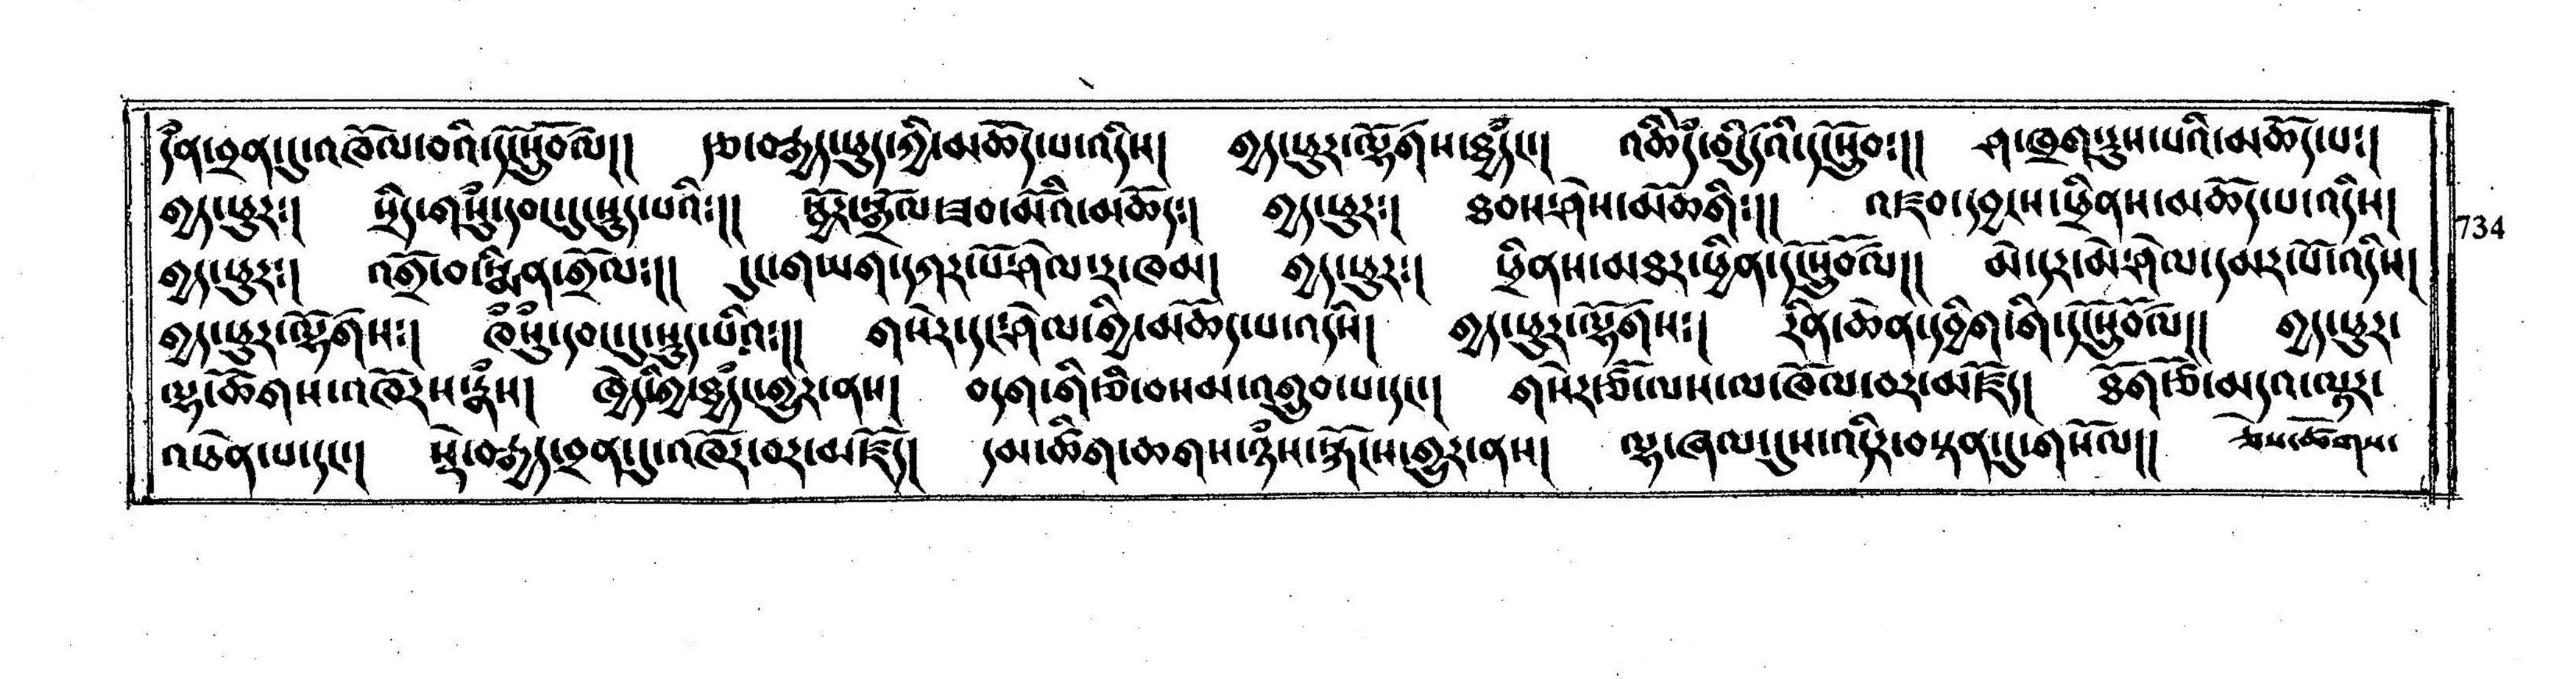དམ་ཅན་བྲན་དུ་འཁོལ་བའི་དངོས་གྲུབ་སྩོལ།། རྩ་བརྒྱད་ཕུད་ཀྱི་མཆོད་པ་འདིས། གྱད་ཕུར་ལྷ་ཚོགས་ཐུགས་དམ་བསྐང་། འཆི་མེད་བདུད་རྩིའི་དངོས་གྲུབ༴།། ཤ་ཁྲག་རུས་པའི་མཆོད་པ༴། 
གྱད་ཕུར༴། སྲིད་གསུམ་དབང་དུ་སྡུད་པའི༴།། སྦྱོར་སྒྲོལ་ཟབ་མོའི་མཆོད༴། གྱད་ཕུར༴། ཐབས་ཤེས་མཆོག་གི༴།། འཛབ་དབྱངས་ཕྲིན་ལས་མཆོད་པ་འདིས། 
གྱད་ཕུར༴། འགྲོ་བ་སྨིན་གྲོལ༴།། དུང་གཡག་དཀར་པོ་ཤེལ་ར་ཁམ། གྱད་ཕུར༴། ཕྲིན་ལས་མཐར་ཕྱིན་དངོས་གྲུབ་སྩོལ།། མེ་དར་མེ་ཤེལ་དམར་པོ་འདིས། 
གྱད་ཕུར་ལྷ་ཚོགས༴། ཁམས་གསུམ་དབང་དུ་སྡུད་པའི༴།། གསེར་དང་ཤེལ་གྱི་མཆོད་པ་འདིས། གྱད་ཕུར་ལྷ་ཚོགས༴། རིན་ཆེན་དབྱིག་གི་དངོས་གྲུབ་སྩོལ།། གྱད་ཕུར་
ལྷ་ཚོགས་འཁོར་བཅས་རྣམས། ཁྱེད་གྱི་ཐུགས་དམ་བསྐང་གྱུར་ནས། བདག་གི་ཅི་བསམ་འགྲུབ་པ་དང་། གསེར་ཙོ་ལས་ལ་ཁོལ་བར་མཛོད། ཐོག་ཙོ་མདའ་ལྟར་
འཕེན་པ་དང་། སྡེ་བརྒྱད་བྲན་དུ་འཁོར་བར་མཛོད། དམ་ཚིག་ཆགས་ཉམས་སྐོངས་གྱུར་ནས། ལྷ་ཞལ་དུས་འདིར་བསྟན་དུ་གསོལ།། ཅེས་ཚོགས་